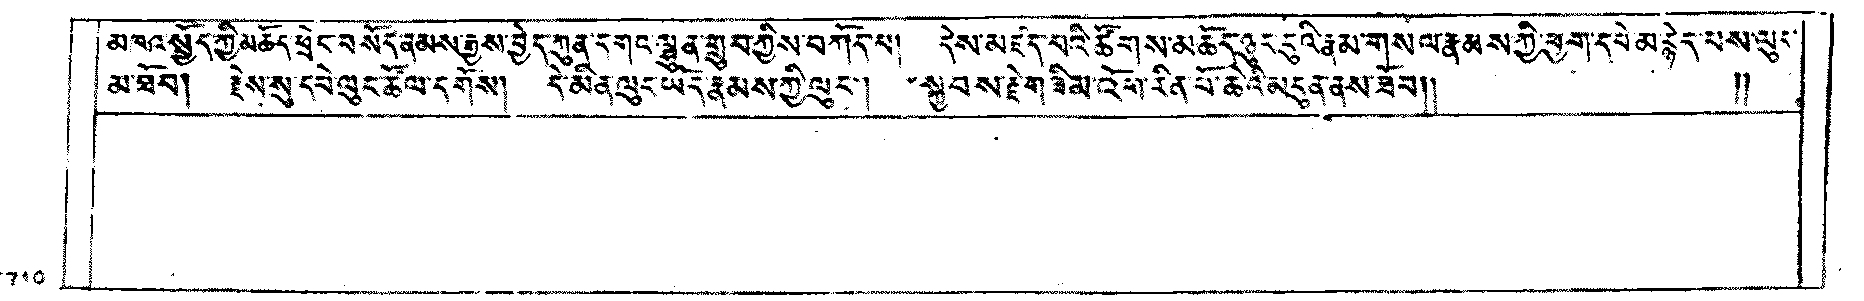མཁའ་སྤྱོད་ཀྱི་མཆོད་ཕྲེང་བསོད་ནམས་རྒྱས་བྱེད་ཀུན་དགའ་ལྷུན་གྲུབ་ཀྱིས་བཀོད་པ། དེས་མཛད་པའི་ཚོགས་མཆོད་ཉུང་ངུའི་རྣམ་གསལ་རྣམས་ཀྱི་ཕྱག་དཔེ་མ་རྙེད་པས་ལུང་
མ་ཐོབ། རྗེས་སུ་དཔེ་ལུང་ཚོལ་དགོས། དེ་མིན་ལུང་ཡོད་རྣམས་ཀྱི་ལུང་། ༧སྐྱབས་རྗེ་གཟིམ་འོག་རིན་པོ་ཆེའི་མདུན་ནས་ཐོབ།། །།